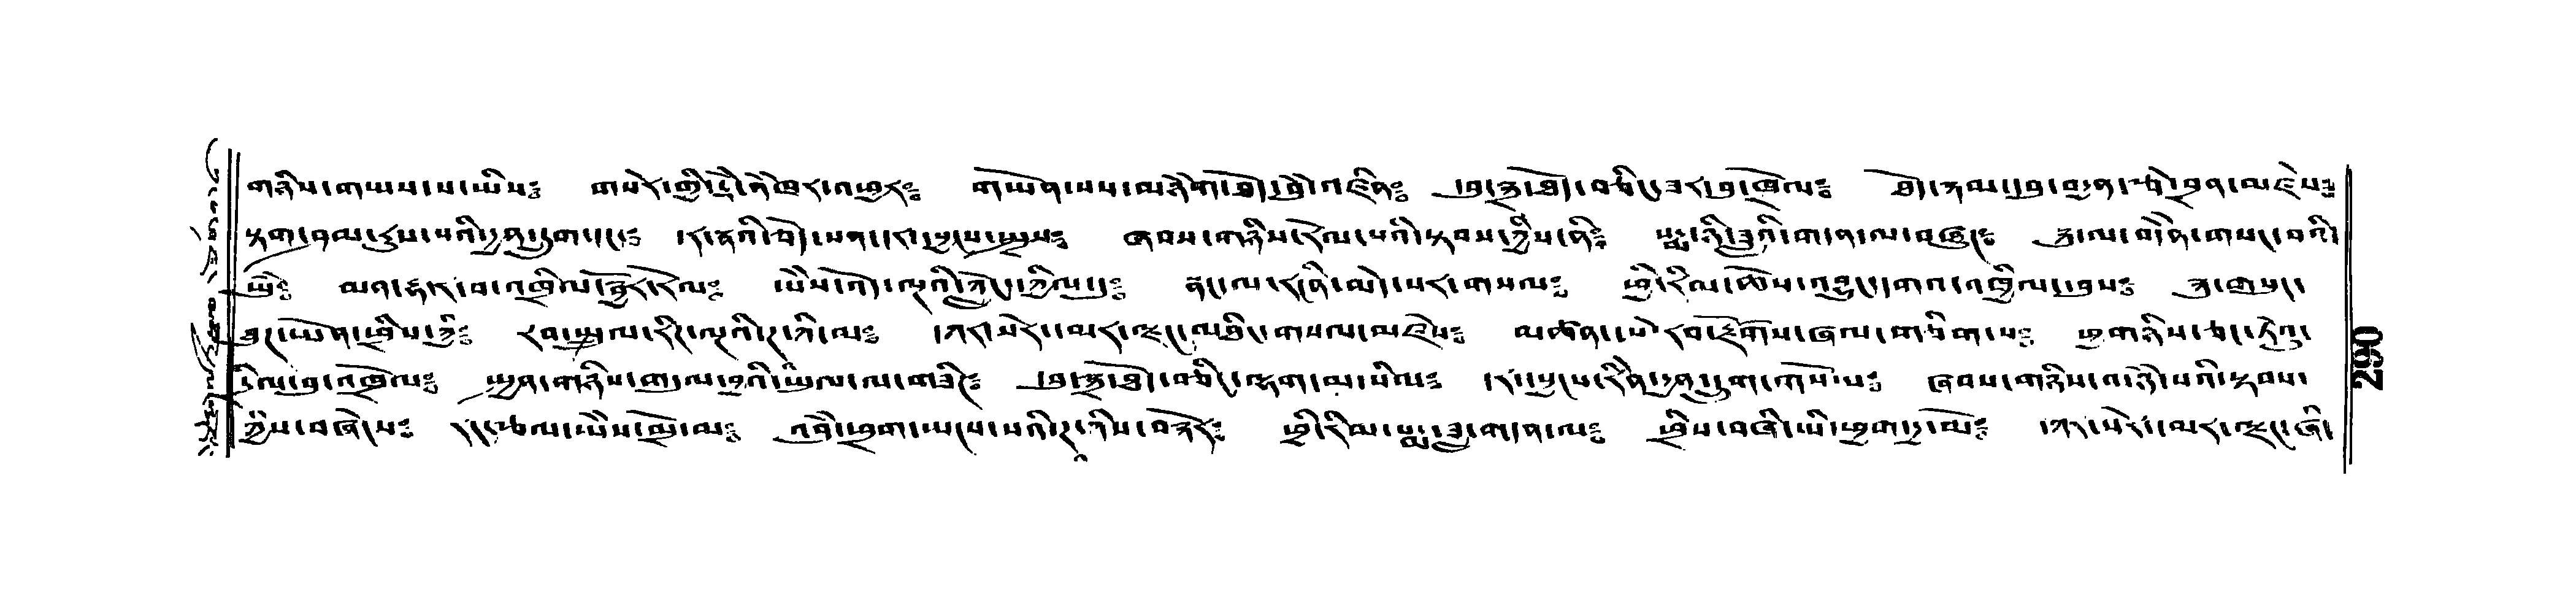གཉིས་གཡས་པ་ཡིས༔ གསེར་གྱི་རྡོ་རྗེ་ནམ་མཁར་འཕྱར༔ གཡོན་པས་མཉམ་བཞག་ཐོད་བུམ་འཛིན༔ དབུ་སྐྲ་ཐོད་བཅིངས་ཟར་བུ་ཁྲོལ༔ ཐོད་སྐམ་དབུ་བརྒྱན་རྩེ་བྲན་མཛེས༔ 
སྟག་ཤམ་རུས་པའི་རྒྱན་དྲུག་དང༔ དར་སྣའི་ཅོད་པན་དར་དཔྱངས་སྤྲས༔ ཞབས་གཉིས་རོལ་པའི་སྟབས་ཀྱིས་ནི༔ པདྨ་ཉི་ཟླའི་གདན་ལ་བཞུགས༔ སྐུ་ལ་བདེ་ཆེན་གསང་བའི་
ཡུམ༔ མནྡྷ་ར་བ་འཁྲིལ་སྦྱོར་རོལ༔ ཡེ་ཤེས་འོད་ལྔའི་ཀློང་དཀྱིལ་དུ༔ སྣང་ལ་རང་བཞིན་མེད་པར་གསལ༔ ཕྱི་རིམ་ཆོས་འབྱུང་དགའ་འཁྱིལ་དབུས༔ སྐུ་གསུང་
ཐུགས་ཡོན་ཕྲིན་ལས་ཀྱི༔ རང་སྤྲུལ་རིགས་ལྔའི་ཌཱ་ཀི་མ༔ དཀར་སེར་དམར་ལྗང་མཐིང་གསལ་མཛེས༔ མཚན་དཔེ་རབ་རྫོགས་ཞལ་གཅིག་པ༔ ཕྱག་གཉིས་ཅང་ཏེའུ་
དྲིལ་བུ་འཁྲོལ༔ སྤྱན་གཉིས་གདུལ་བྱའི་ཡུལ་ལ་གཟིགས༔ དབུ་སྐྲ་ཐོད་བཅིངས་ལྷག་མ་སིལ༔ དར་དཔྱངས་རིན་ཆེན་རྒྱན་དྲུག་གསོལ༔ ཞབས་གཉིས་མཉམ་པའི་སྟབས་
ཀྱིས་བཞེངས༔ རང་རྩལ་ཡེ་ཤེས་མཁའ་འགྲོ་མ༔ འབུམ་ཕྲག་ཡངས་པའི་ཌཱ་ཀིས་བསྐོར༔ ཕྱི་རིམ་པདྨ་ཟླ་གདན་ལ༔ ཕྲིན་ལས་བཞི་ཡི་ཕྱག་རྒྱ་མོ༔དཀར་སེར་དམར་ལྗང་ཞི་